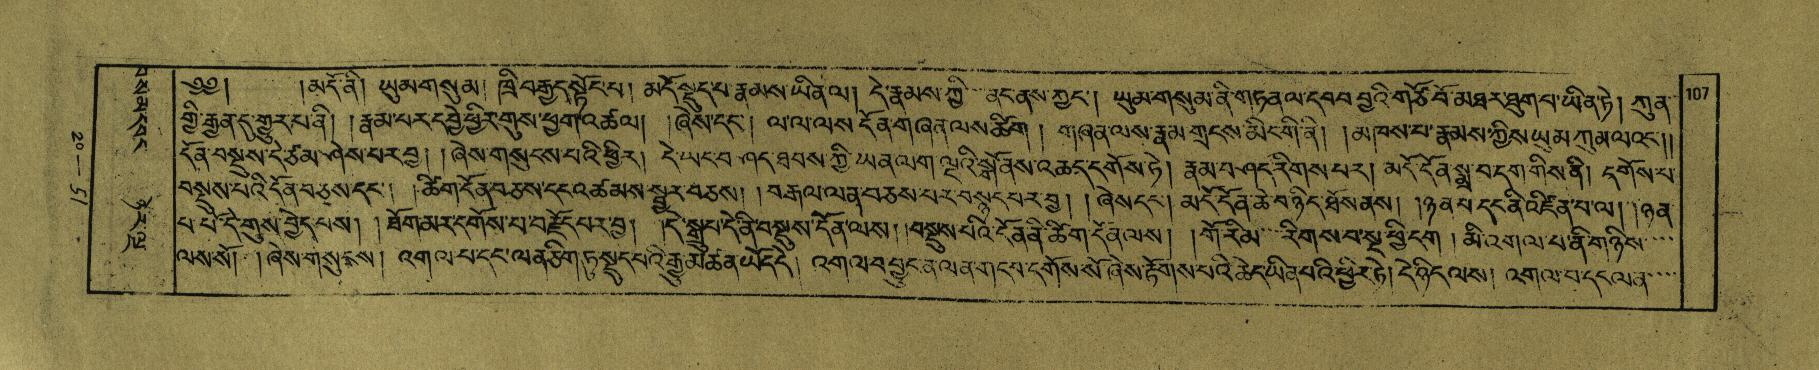༄༅། །མདོ་ནི། ཡུམ་གསུམ། ཁྲི་བརྒྱད་སྟོང་པ། མདོ་སྡུད་པ་རྣམས་ཡིན་ལ། དེ་རྣམས་ཀྱི་ནང་ནས་ཀྱང་། ཡུམ་གསུམ་ནི་གཏན་ལ་དབབ་བྱའི་གཙོ་བོ་མཐར་ཐུག་པ་ཡིན་ཏེ། ཀུན་
གྱི་རྒྱན་དུ་གྱུར་པ་ནི། །རྣམ་པར་དབྱེ་ཕྱིར་གུས་ཕྱག་འཚལ། །ཞེས་དང་། ལ་ལ་ལས་དོན་གཞན་ལས་ཚིག། གཞན་ལས་རྣམ་གྲངས་མིང་གི་ནི། །མཁས་པ་རྣམས་ཀྱིས་ཡུམ་ཀུན་ལའང་། །
དོན་བསྡུས་དེ་ཙམ་ཤེས་པར་བྱ། །ཞེས་གསུངས་པའི་ཕྱིར། དེ་ཡང་བཤད་ཐབས་ཀྱི་ཡན་ལག་ལྔའི་སྒོ་ནས་འཆད་དགོས་ཏེ། རྣམ་བཤད་རིགས་པར། མདོ་དོན་སྨྲ་བ་དག་གིས་ནི། དགོས་པ་
བསྡུས་པའི་དོན་བཅས་དང་། །ཚིག་དོན་བཅས་དང་འཚམས་སྦྱར་བཅས། །བརྒལ་ལན་བཅས་པར་བསྙད་པར་བྱ། །ཞེས་དང་། མདོ་དོན་ཆེ་བ་ཉིད་ཐོས་ནས། །ཉན་པ་དང་ནི་འཛིན་པ་ལ། །ཉན་པ་པོ་དེ་གུས་བྱེད་པས། །ཐོག་མར་དགོས་པ་བརྗོད་པར་བྱ། །དེ་སྒྲུབ་དེ་ནི་བསྡུས་དོན་ལས། །བསྡུས་པའི་དོན་ནི་ཚིག་དོན་ལས། །གོ་རིམ་རིགས་པ་སྔ་ཕྱི་དག །མི་འགལ་བ་ནི་གཉིས་
ལས་སོ། །ཞེས་གསུངས། འགལ་པ་དང་ལན་ཅིག་ཏུ་སྡུད་པའི་རྒྱུ་མཚན་ཡོད་དེ། འགལ་བ་བྱུང་ན་ལན་གདབ་དགོས་སོ་ཞེས་རྟོགས་པའི་ཆེད་ཡིན་པའི་ཕྱིར་ཏེ། དེ་ཉིད་ལས། འགལ་བ་དང་ལན་